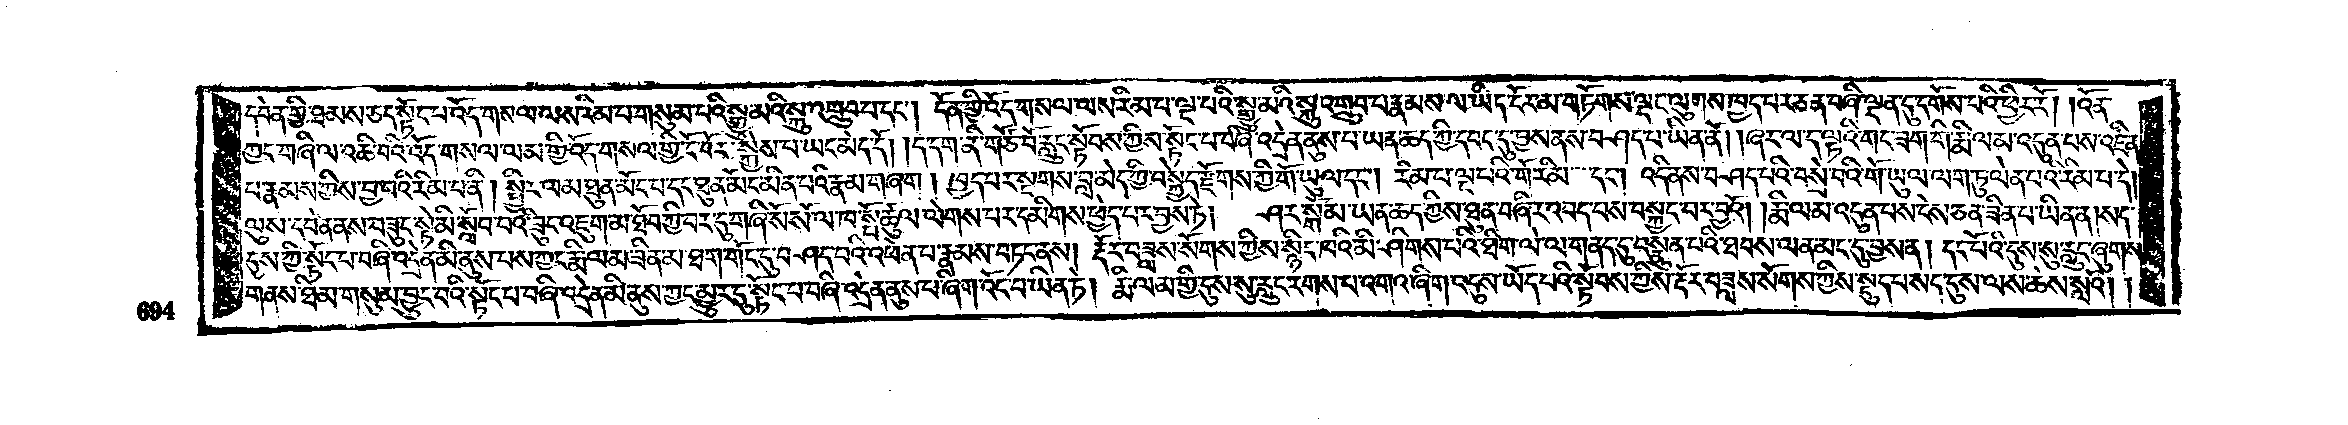དབེན་གྱི་ཐམས་ཅད་སྟོང་པ་འོད་གསལ་ལས་རིམ་པ་གསུམ་པའི་སྒྱུ་མའི་སྐུ་འགྲུབ་པ་དང་། དོན་གྱི་འོད་གསལ་ལས་རིམ་པ་ལྔ་པའི་སྒྱུ་མའི་སྐུ་འགྲུབ་པ་རྣམས་ལ་ཡིད་ངོར་མ་གཏོགས་ལྡང་ལུགས་ཁྱད་པར་ཅན་བཞི་ལྡན་དུ་དགོས་པའི་ཕྱིར་རོ། །འོན་
ཀྱང་གཞི་ལ་འཆི་བའི་འོད་གསལ་ལམ་གྱི་འོད་གསལ་གྱི་ངོ་བོར་སྐྱེས་པ་ཡང་མེད་དོ། །དེ་དག་ནི་གཙོ་བོ་རླུང་སྟོབས་ཀྱིས་སྟོང་པ་བཞི་འདྲེན་ནུས་པ་ཡན་ཆད་ཀྱི་དབང་དུ་བྱས་ནས་བཤད་པ་ཡིན་ནོ། །ཞར་ལ་ད་ལྟའི་གང་ཟག་གི་རྨི་ལམ་འདུན་པས་འཛིན་
པ་རྣམས་ཀྱིས་བྱ་བའི་རིམ་པ་ནི། སྤྱིར་ལམ་ཐུན་མོང་པ་དང་ཐུན་མོང་མིན་པའི་རྣམ་གཞག །ཁྱད་པར་སྔགས་བླ་མེད་ཀྱི་བསྐྱེད་རྫོགས་ཀྱི་གོ་ཡུལ་དང་། རིམ་པ་ལྔ་པའི་གོ་རིམ་དང་། འདི་ནས་བཤད་པའི་བསྲེ་བའི་གོ་ཡུལ་ལག་ཏུ་ལེན་པའི་རིམ་པ་དེ།
ལུས་དབེན་ནས་བཟུང་སྟེ་མི་སློབ་པའི་ཟུང་འཇུག་མ་ཐོབ་ཀྱི་བར་དུ་གཞི་སོ་སོ་ལ་ཁ་སྤོ་ཚུལ་ལེགས་པར་དམིགས་ཕྱེད་པར་བྱས་ཏེ། ཤར་སྒོམ་ཡན་ཆད་ཀྱིས་ཐུན་བཞིར་འབད་པས་བསྐྱང་བར་བྱའོ། །རྨི་ལམ་འདུན་པས་ངེས་ཅན་ཟིན་པ་ཡིན་ན། སད་
དུས་ཀྱི་སྟོང་པ་བཞི་འདྲེན་མི་ནུས་པས་ཀྱང་རྨི་ལམ་ཟིན་མ་ཐག་གོང་དུ་བཤད་པའི་འཕེན་པ་རྣམས་བཏང་ནས། རྡོར་བཟླས་སོགས་ཀྱིས་སྙིང་ཁའི་མི་ཤིགས་པའི་ཐིག་ལེ་ལ་གནད་དུ་བསྣུན་པའི་ཐབས་ལན་མང་དུ་བྱས་ན། དང་པོའི་དུས་སུ་རླུང་ཞུགས་
གནས་ཐིམ་གསུམ་བྱུང་བའི་སྟོང་པ་བཞི་འདྲེན་མི་ནུས་ཀྱང་མྱུར་དུ་སྟོང་པ་བཞི་འདྲེན་ནུས་པ་ཞིག་འོང་བ་ཡིན་ཏེ། རྨི་ལམ་གྱི་དུས་སུ་རླུང་རགས་པ་འགའ་ཞིག་འདུས་ཡོད་པའི་སྟོབས་ཀྱིས་རྡོར་བཟླས་སོགས་ཀྱིས་སྡུད་པ་སད་དུས་ལས་ཆེས་སླའོ། །